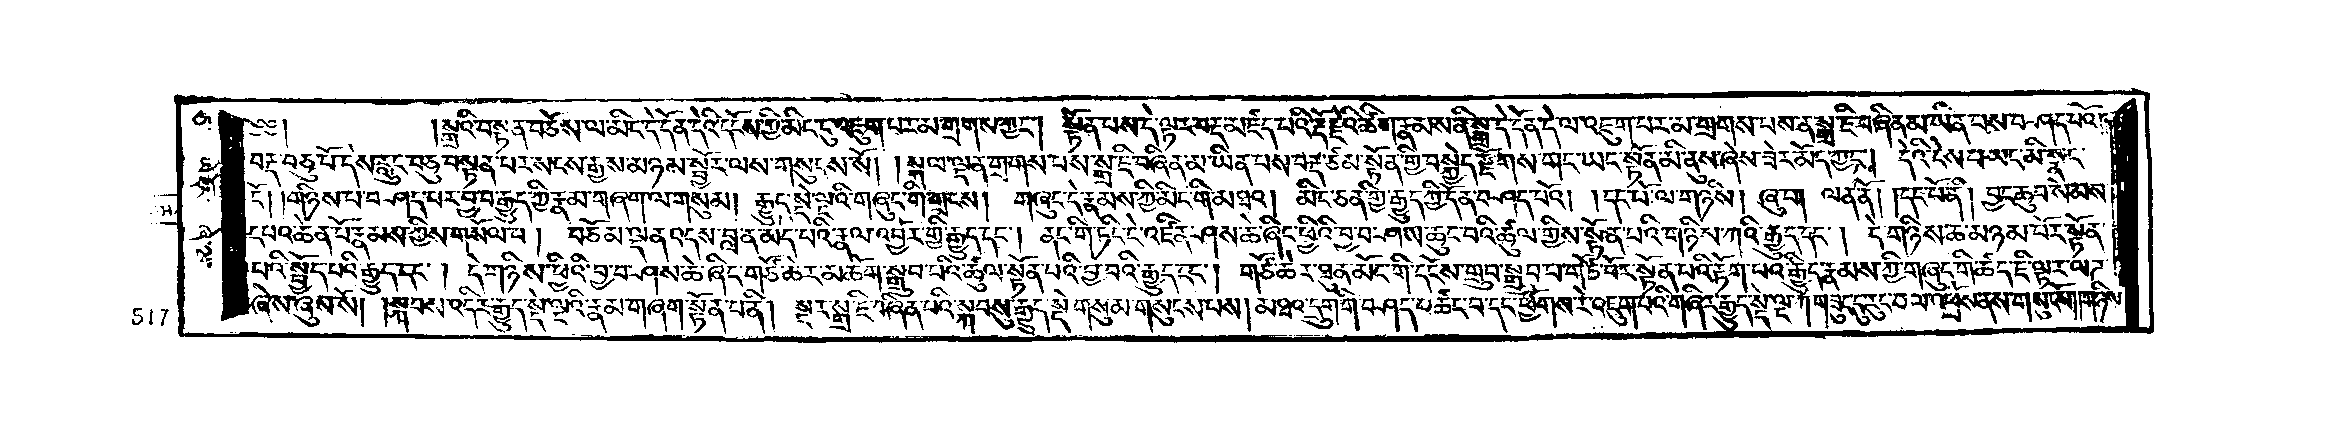༄༅། །སྒྲའི་བསྟན་བཅོས་ལ་མིང་དེ་དོན་དེའི་དངོས་ཀྱི་མིང་དུ་འཇུག་པར་མ་གྲགས་ཀྱང་། སྟོན་པས་དེ་ལྟར་བརྡ་མཛད་པའི་རྡོ་རྗེའི་ཚིག་རྣམས་ནི་སྒྲ་དེ་དོན་དེ་ལ་འཇུག་པར་མ་གྲགས་པས་ན་སྒྲ་ཇི་བཞིན་མ་ཡིན་པས་བཤད་པའོ།།
བརྡ་བཅུ་པོ་དེས་རླུང་བཅུ་བསྟན་པར་སངས་རྒྱས་མཉམ་སྦྱོར་ལས་གསུངས་སོ། །སྐལ་ལྡན་གྲགས་པས་སྒྲ་ཇི་བཞིན་མ་ཡིན་པས་བརྡ་ཙམ་སྟོན་གྱི་བསྐྱེད་རྫོགས་གང་ཡང་སྟོན་མི་ནུས་ཞེས་ཟེར་མོད་ཀྱང་། དེའི་ངེས་པ་ཡང་མི་སྣང་
ངོ། །གཉིས་པ་བཤད་པར་བྱ་བ་རྒྱུད་ཀྱི་རྣམ་གཞག་ལ་གསུམ། རྒྱུད་སྡེ་ལྔའི་གཞུང་གི་གྲངས། གཞུང་དེ་རྣམས་ཀྱི་མིང་གི་མཐའ། མིང་ཅན་གྱི་རྒྱུད་ཀྱི་དོན་བཤད་པའོ། །དང་པོ་ལ་གཉིས། ཞུ་བ། ལན་ནོ། །དང་པོ་ནི། བྱང་ཆུབ་སེམས་
དཔའ་ཆེན་པོ་རྣམས་ཀྱིས་གསོལ་བ། བཅོམ་ལྡན་འདས་བླ་ན་མེད་པའི་རྣལ་འབྱོར་གྱི་རྒྱུད་དང་། ནང་གི་ཏིང་ངེ་འཛིན་ཤས་ཆེ་ཞིང་ཕྱིའི་བྱ་བ་ཤས་ཆུང་བའི་ཚུལ་གྱིས་སྟོན་པའི་གཉིས་ཀའི་རྒྱུད་དང་། དེ་གཉིས་ཆ་མཉམ་པོར་སྟོན་
པའི་སྤྱོད་པའི་རྒྱུད་དང་། དེ་གཉིས་ཕྱིའི་བྱ་བ་ཤས་ཆེ་ཞིང་གཙོ་ཆེར་མཆོག་སྒྲུབ་པའི་ཚུལ་སྟོན་པའི་བྱ་བའི་རྒྱུད་དང་། གཙོ་ཆེར་ཐུན་མོང་གི་དངོས་གྲུབ་སྒྲུབ་པ་གཙོ་བོར་སྟོན་པའི་རྟོག་པའི་རྒྱུད་རྣམས་ཀྱི་གཞུང་གི་ཚད་ཇི་ལྟར་ལགས་
ཞེས་ཞུས་སོ། །སྐབས་འདིར་རྒྱུད་སྡེ་ལྔའི་རྣམ་གཞག་སྟོན་པ་ནི། སྔར་སྒྲ་ཇི་བཞིན་པའི་སྐབས་སུ་རྒྱུད་སྡེ་གསུམ་གསུངས་པས། མཐའ་དྲུག་གི་བཤད་པ་ཚང་བ་དང་ཕྱོགས་རེ་འཇུག་པའི་གཞིར་རྒྱུད་སྡེ་ལྔ་ཀ་གཟུང་དུ་རུང་བ་ལ་འཕྲོས་ནས་གསུངས་སོ། །གཉིས་